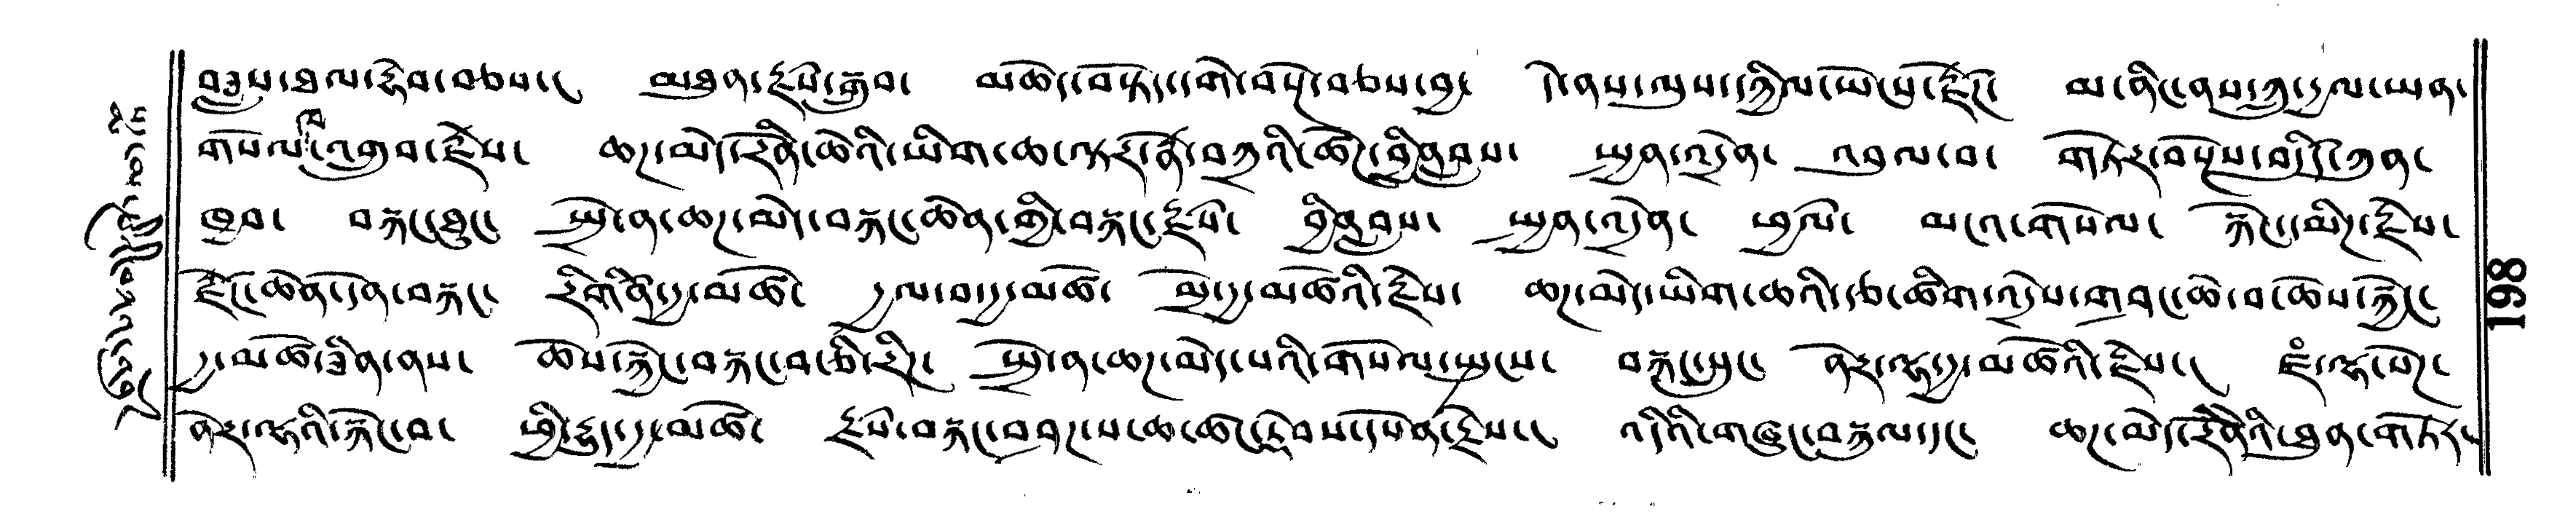བཟླས་ཐལ་རྡེབ་བཅས། མཐུན་རྫས་སྒྲུབ། མཆོད་བསྟོད་དགེ་བསྔོ་བཅས་བྱ། དེ་ནས་ལུས་དཀྱིལ་ཡོངས་རྫོགས། མ་ནིང་ནས་ཀླུ་རྒྱལ་ཡན་
གསོལ་ཁ་འགྲུབ་རྗེས། ཆགས་མེད་རིན་པོ་ཆེའི་ཡིག་ཆ་ལྟར་རྣོ་བཀྲའི་ཚོགས་བྱིན་རླབས། སྤྱན་འདྲེན། འབུལ་བ། གཏོར་བསྔོས་བདུད་རྩི་ཀུན་
ཁྱབ། བསྐང་ཐུང་། སྤྲོ་ན་ཆགས་མེད་བསྐང་ཆེན་གྱི་བསྐང་རྫས་བྱིན་རླབས། སྤྱན་འདྲེན། ཕྱག་འཚལ། མངའ་གསོལ། སྐོང་དམིགས་རྗེས། 
རྫོགས་ཆེན་དོན་བསྐང་། རིག་འཛིན་རྒྱ་མཚོ། རྒྱལ་བ་རྒྱ་མཚོ། མཁའ་འགྲོ་རྒྱ་མཚོའི་རྗེས། ཆགས་མེད་ཡིག་ཆ་རྩ་ཚིག་འདྲེས་ཤས་ཆེ་བ་ཆོས་སྐྱོང་
རྒྱ་མཚོ་ཟིན་ནས། ཆོས་སྐྱོང་བསྐང་བ་ཅི་རིགས། སྤྲོ་ན་ཆགས་མེད་པའི་གསོལ་སྤུངས། བཀའ་སྲུང་། ནོར་ལྷ་རྒྱ་མཚོའི་རྗེས། ཛམ་ལ་སོགས་
ནོར་ལྷའི་སྐོང་བ། ཕྱི་རྒྱུད་རྒྱ་མཚོ། རྫས་བསྐང་བཤགས་པ་ཆ་ཚང་བརྡེབས་འདོན་རྗེས། འདིའི་གཞུང་བསྐུལ་དང་། ཆགས་མེད་རིན་པོ་ཆེའི་ཐུན་གཏོར་